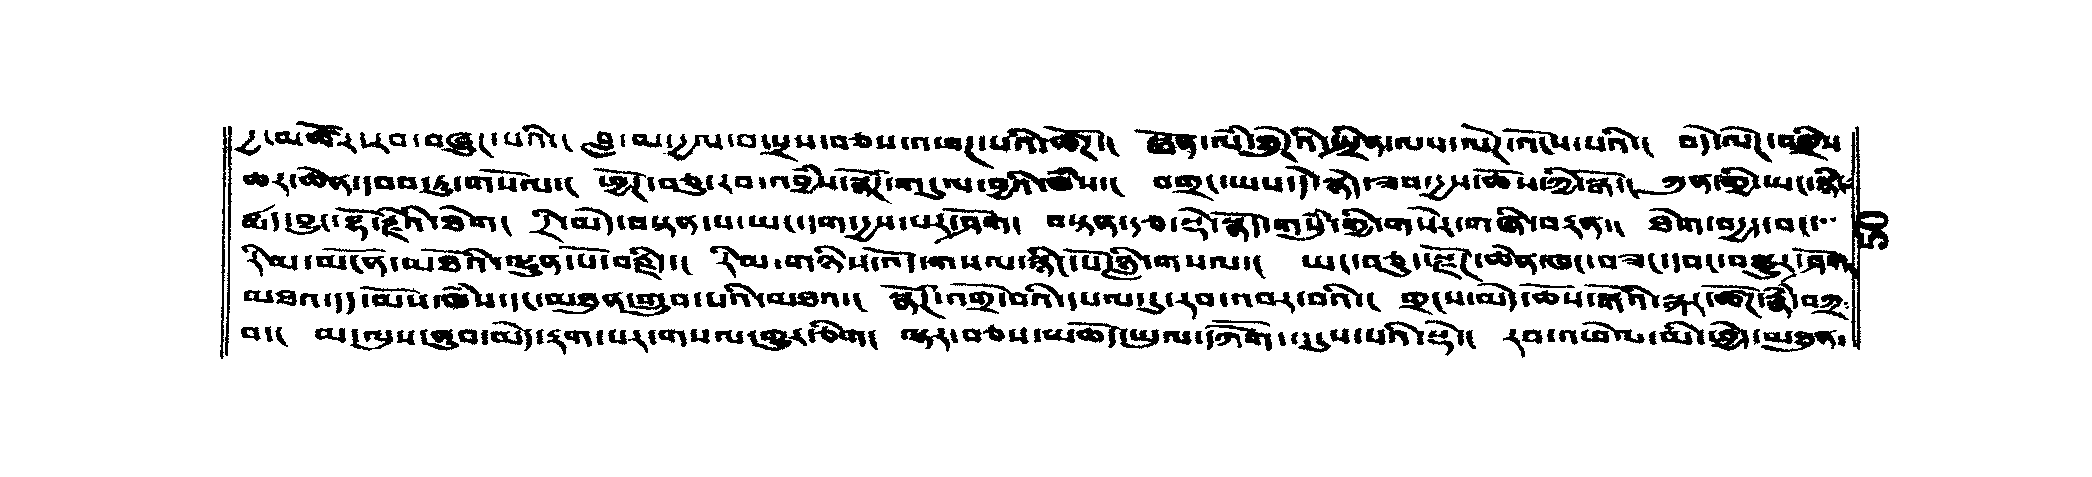རྒྱ་མཚོར་རབ་བཞུགས་པའི། །བླ་མ་རྒྱལ་བ་སྲས་བཅས་འཕགས་པའི་ཚོགས། །སྨོན་ལམ་ཐུགས་རྗེའི་སྤྲིན་ལས་ལེགས་འོངས་པའི། །བདེ་ལེགས་བཀྲ་ཤིས་
ཆར་ཆེན་དབབ་ཏུ་གསོལ། །ཕྱོགས་བཅུ་རབ་འབྱམས་སྣ་ཚོགས་གདུལ་བྱའི་ཁམས། །བགྲང་ཡས་དེ་སྙེད་ཟབ་རྒྱས་ཆོས་ཀྱི་སྒོ། །ཀུན་གྱི་ཡང་སྙིང་
རྨད་བྱུང་རྡོ་རྗེའི་ཐེག །དྲི་མེད་བསྟན་པ་ཡང་དག་རྒྱས་པར་ཤོག །བསྟན་རྩ་སྡེ་སྣོད་གསུམ་གྱི་གསེར་གཞི་བརྟན། །ཐེག་བརྒྱད་བང་
རིམ་མངོན་མཐོའི་ལྷུན་པོ་བརྗིད། །རིམ་གཉིས་འོད་གསལ་སྙིང་པོ་ཉི་ཟླ་གསལ། །ཡང་བཅུད་རྫོགས་ཆེན་ཁང་བཟང་དབང་བསྒྱུར་ཤོག །
མཐའ་དད་མོས་ཁམས་དང་མཐུན་གྲུབ་པའི་མཐའ། །སྣ་ཚོགས་འགྲོ་བའི་དཔལ་དུ་རབ་འབར་བའི། །གྲངས་མེད་ཆོས་སྒོའི་སྐར་ཚོགས་རྣམ་བཀྲ་
བ། །མ་ལུས་ནུབ་མེད་རྟག་པར་གསལ་གྱུར་ཅིག །ལྷར་བཅས་མཆོད་ཡུལ་དཀོན་མཆོག་འདུས་པའི་སྡེ། །རབ་འཕེལ་མི་ཕྱེད་མཐུན་